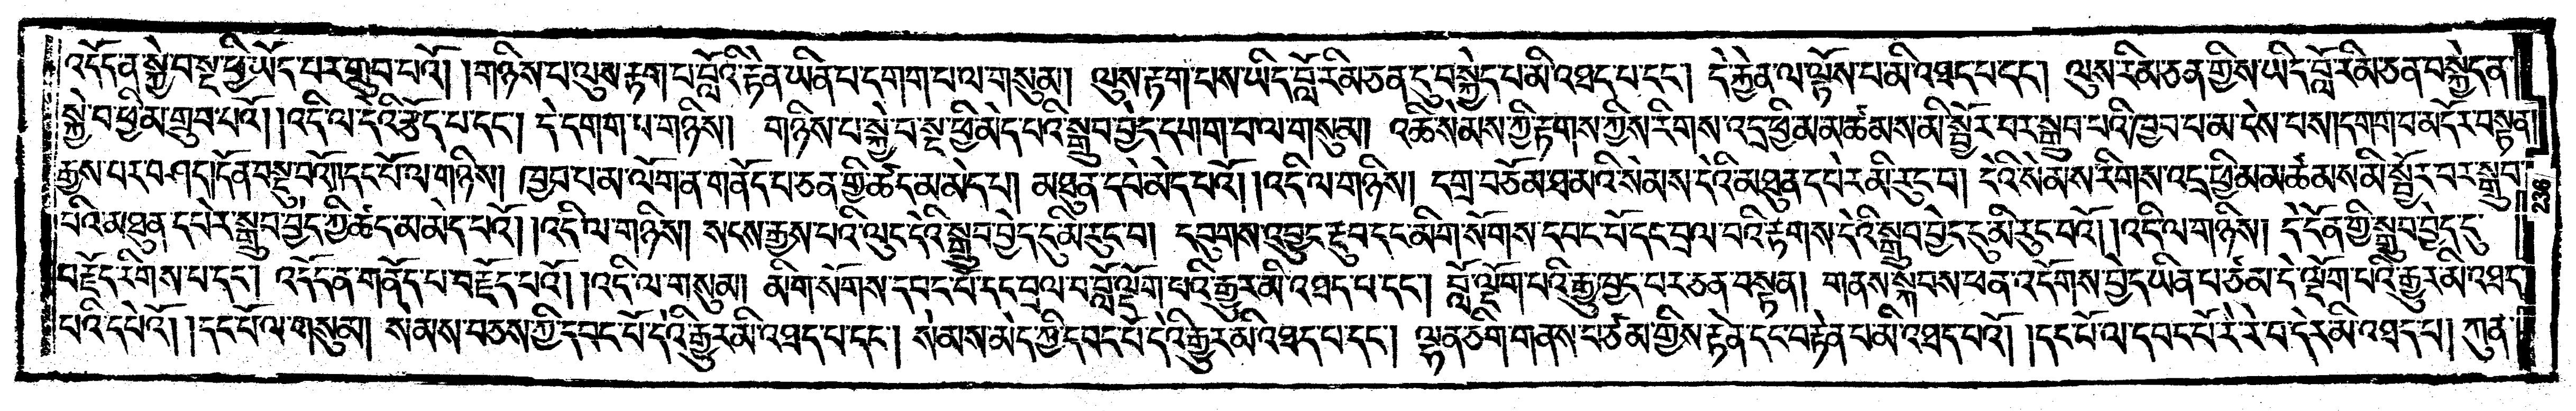འདོད་ན་སྐྱེ་བ་སྔ་ཕྱི་ཡོད་པར་གྲུབ་པའོ། །གཉིས་པ་ལུས་རྟག་པ་བློའི་རྟེན་ཡིན་པ་དགག་པ་ལ་གསུམ། ལུས་རྟག་པས་ཡིད་བློ་རིམ་ཅན་དུ་བསྐྱེད་པ་མི་འཐད་པ་དང་། དེ་རྐྱེན་ལ་ལྟོས་པ་མི་འཐད་པ་དང་། ལུས་རིམ་ཅན་གྱིས་ཡིད་བློ་རིམ་ཅན་བསྐྱེད་ན་
སྐྱེ་བ་ཕྱི་མ་གྲུབ་པའོ། །འདི་ལ་དེའི་རྩོད་པ་དང་། དེ་དགག་པ་གཉིས། གཉིས་པ་སྐྱེ་བ་སྔ་ཕྱི་མེད་པའི་སྒྲུབ་བྱེད་དགག་པ་ལ་གསུམ། འཆི་སེམས་ཀྱི་རྟགས་ཀྱིས་རིགས་འདྲ་ཕྱི་མ་མཚམས་མི་སྦྱོར་བར་སྒྲུབ་པའི་ཁྱབ་པ་མ་ངེས་པས། དགག་པ་མདོར་བསྟན་
རྒྱས་པར་བཤད། དོན་བསྡུ་བའོ། །དང་པོ་ལ་གཉིས། ཁྱབ་པ་མ་ལོག་ན་གནོད་པ་ཅན་གྱི་ཚད་མ་མེད་པ། མཐུན་དཔེ་མེད་པའོ། །འདི་ལ་གཉིས། དགྲ་བཅོམ་ཐ་མའི་སེམས་དེའི་མཐུན་དཔེར་མི་རུང་བ། དེའི་སེམས་རིགས་འདྲ་ཕྱི་མ་མཚམས་མི་སྦྱོར་བར་སྒྲུབ་
པའི་མཐུན་དཔེར་སྒྲུབ་བྱེད་ཀྱི་ཚད་མ་མེད་པའོ། །འདི་ལ་གཉིས། སངས་རྒྱས་པའི་ལུང་དེའི་སྒྲུབ་བྱེད་དུ་མི་རུང་བ། དབུགས་འབྱུང་རྔུབ་དང་མིག་སོགས་དབང་པོ་དང་བྲལ་བའི་རྟགས་དེའི་སྒྲུབ་བྱེད་དུ་མི་རུང་བའོ། །འདི་ལ་གཉིས། དེ་དོན་གྱི་སྒྲུབ་བྱེད་དུ་
བརྗོད་རིགས་པ་དང་། འདོད་ན་གནོད་པ་བརྗོད་པའོ། །འདི་ལ་གསུམ། མིག་སོགས་དབང་པོ་དང་བྲལ་བ་བློ་ལྡོག་པའི་རྒྱུར་མི་འཐད་པ་དང་། བློ་ལྡོག་པའི་རྒྱུ་ཁྱད་པར་ཅན་བསྟན། གནས་སྐབས་ཕན་འདོགས་བྱེད་ཡིན་པ་ཙམ་དེ་ལྡོག་པའི་རྒྱུར་མི་འཐད་
པའི་དཔེའོ། །དང་པོ་ལ་གསུམ། སེམས་བཅས་ཀྱི་དབང་པོ་དེའི་རྒྱུར་མི་འཐད་པ་དང་། སེམས་མེད་ཀྱི་དབང་པོ་དེའི་རྒྱུར་མི་འཐད་པ་དང་། ལྷན་ཅིག་གནས་པ་ཙམ་གྱིས་རྟེན་དང་བརྟེན་པ་མི་འཐད་པའོ། །དང་པོ་ལ་དབང་པོ་རེ་རེ་བ་དེར་མི་འཐད་པ། ཀུན་